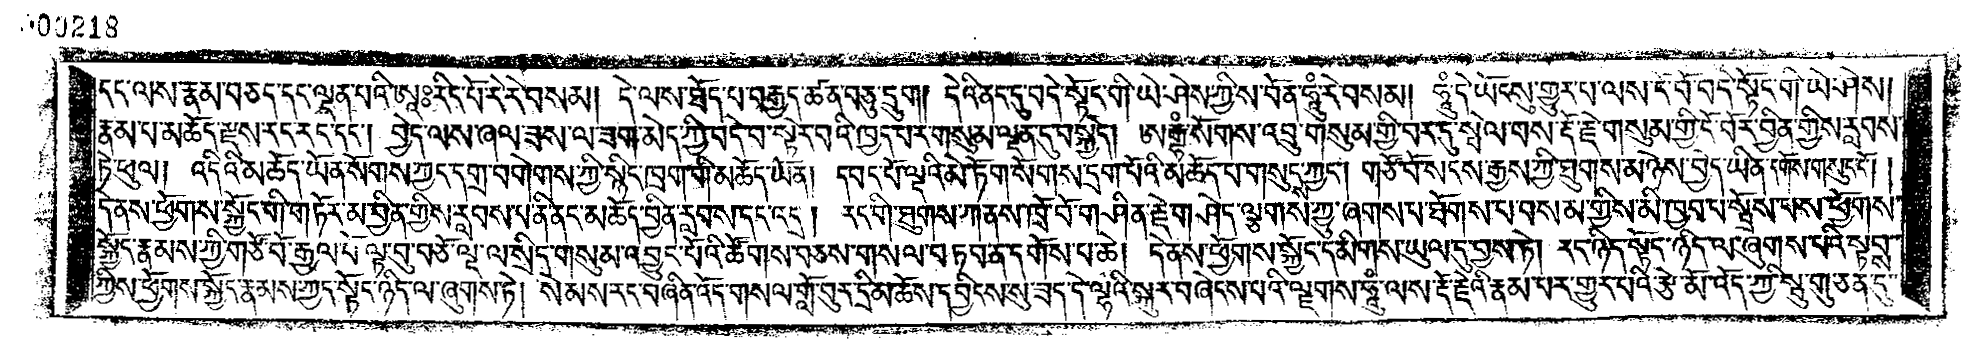ངང་ལས་རྣམ་བཅད་དང་ལྡན་པའི་ཨཱཿ རིང་པོ་རེ་རེ་བསམ། དེ་ལས་ཐོད་པ་བརྒྱད་ཚན་བཅུ་དྲུག །དེའི་ནང་དུ་བདེ་སྟོང་གི་ཡེ་ཤེས་ཀྱི་ས་བོན་ཧཱུཾ་རེ་བསམ། ཧཱུཾ་དེ་ཡོངས་སུ་གྱུར་པ་ལས་ངོ་བོ་བདེ་སྟོང་གི་ཡེ་ཤེས།
རྣམ་པ་མཆོད་རྫས་རང་རང་དང་། བྱེད་ལས་ཞལ་ཟས་ལ་ཟག་མེད་ཀྱི་བདེ་བ་སྟེར་བའི་ཁྱད་པར་གསུམ་ལྡན་དུ་བསྐྱེད། ཨརྒྷཾ་སོགས་འབྲུ་གསུམ་གྱི་བར་དུ་སྤེལ་བས་རྡོ་རྗེ་གསུམ་གྱི་ངོ་བོར་བྱིན་གྱིས་རླབས་
ཏེ་ཕུལ། འདིའི་མཆོད་ཡོན་སོགས་ཀྱང་དགྲ་བགེགས་ཀྱི་སྙིང་ཁྲག་གི་མཆོད་ཡོན། དབང་པོ་ལྔའི་མེ་ཏོག་སོགས་དྲག་པོའི་མཆོད་པ་གསུངས་ཀྱང་། གཙོ་བོ་སངས་རྒྱས་ཀྱི་ཐུགས་མཉེས་བྱེད་ཡིན་དགོས་གསུང་ངོ། །
དེ་ནས་ཕྱོགས་སྐྱོང་གི་གཏོར་མ་བྱིན་གྱིས་རླབས་པ་ནི་ནང་མཆོད་བྱིན་རླབས་དང་འདྲ། རང་གི་ཐུགས་ཀ་ནས་ཁྲོ་བོ་གཤིན་རྗེ་གཤེད་ལྕགས་ཀྱུ་ཞགས་པ་ཐོགས་པ་བསམ་གྱིས་མི་ཁྱབ་པ་སྤྲོས་པས་ཕྱོགས་
སྐྱོང་རྣམས་ཀྱི་གཙོ་བོ་རྒྱལ་པོ་ལྟ་བུ་བཅོ་ལྔ་ལ་སྲིད་གསུམ་འབྱུང་པོའི་ཚོགས་བཅས་གསལ་བཏབ་ན་དགོས་པ་ཆེ། དེ་ནས་ཕྱོགས་སྐྱོང་དམིགས་ཡུལ་དུ་བྱས་ཏེ། རང་ཉིད་སྟོང་ཉིད་ལ་ཞུགས་པའི་སྟབས་
ཀྱིས་ཕྱོགས་སྐྱོང་རྣམས་ཀྱང་སྟོང་ཉིད་ལ་ཞུགས་ཏེ། སེམས་རང་བཞིན་འོད་གསལ་གློ་བུར་དྲི་མ་ཆོས་དབྱིངས་སུ་ཟད་དེ་ལྷའི་སྐུར་བཞེངས་པའི་ལྗགས་ཧཱུཾ་ལས་རྡོ་རྗེའི་རྣམ་པར་གྱུར་པའི་རྩེ་མོ་འོད་ཀྱི་སྤུ་གུ་ཅན་དུ་